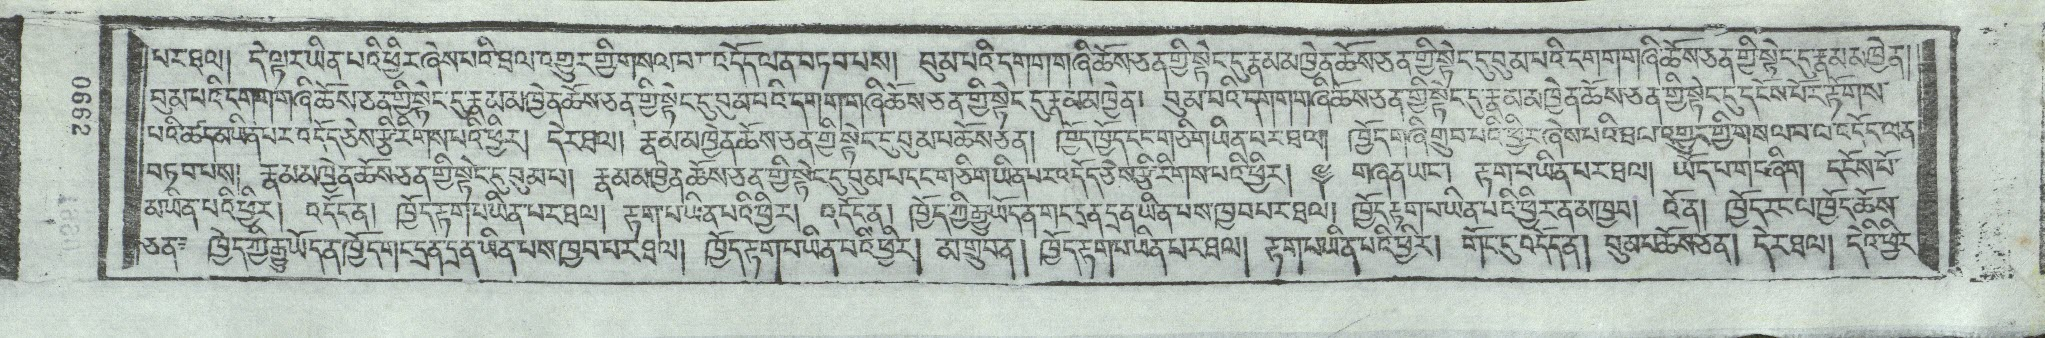པར་ཐལ། དེ་ལྟར་ཡིན་པའི་ཕྱིར་ཞེས་པའི་ཐལ་འགྱུར་གྱི་གསལ་བར་འདོད་ལན་བཏབ་པས། བུམ་པའི་དགག་གཞི་ཆོས་ཅན་གྱི་སྟེང་དུ་རྣམ་མཁྱེན་ཆོས་ཅན་གྱི་སྟེང་དུ་བུམ་པའི་དགག་གཞི་ཆོས་ཅན་གྱི་སྟེང་དུ་རྣམ་མཁྱེན་
བུམ་པའི་དགག་གཞི་ཆོས་ཅན་གྱི་སྟེང་དུ་རྣམ་མཁྱེན་ཆོས་ཅན་གྱི་སྟེང་དུ་བུམ་པའི་དགག་གཞི་ཆོས་ཅན་གྱི་སྟེང་དུ་རྣམ་མཁྱེན། བུམ་པའི་དགག་གཞི་ཆོས་ཅན་གྱི་སྟེང་དུ་རྣམ་མཁྱེན་ཆོས་ཅན་གྱི་སྟེང་དུ་དངོས་པོར་རྟོགས་
པའི་ཚད་མ་ཡིན་པར་འདོད་ཅེས་རྩི་རིགས་པའི་ཕྱིར། དེར་ཐལ། རྣམ་མཁྱེན་ཆོས་ཅན་གྱི་སྟེང་དུ་བུམ་པ་ཆོས་ཅན། ཁྱོད་ཁྱོད་དང་གཅིག་ཡིན་པར་ཐལ། ཁྱོད་གཞི་གྲུབ་པའི་ཕྱིར་ཞེས་པའི་ཐལ་འགྱུར་གྱི་གསལ་བ་ལ་འདོད་ལན་
བཏབ་པས། རྣམ་མཁྱེན་ཆོས་ཅན་གྱི་སྟེང་དུ་བུམ་པ། རྣམ་མཁྱེན་ཆོས་ཅན་གྱི་སྟེང་དུ་བུམ་པ་དང་གཅིག་ཡིན་པར་འདོད་ཅེས་རྩི་རིགས་པའི་ཕྱིར། ༈ གཞན་ཡང་། རྟག་པ་ཡིན་པར་ཐལ། ཡོད་པ་གང་ཞིག་དངོས་པོ་
མ་ཡིན་པའི་ཕྱིར། འདོད་ན། ཁྱོད་རྟག་པ་ཡིན་པར་ཐལ། རྟག་པ་ཡིན་པའི་ཕྱིར། འདོད་ན། ཁྱོད་ཀྱི་རྒྱུ་ཡོད་ན་གང་དྲན་དྲན་ཡིན་པས་ཁྱབ་པར་ཐལ། ཁྱོད་རྟག་པ་ཡིན་པའི་ཕྱིར་ན་མ་ཁྱབ། འོ་ན། ཁྱོད་རང་ལ་ཁྱོད་ཆོས་
ཅན༑ ཁྱེད་ཀྱི་རྒྱུ་ཡོད་ན་ཁྱོད་གང་དྲན་དྲན་ཡིན་པས་ཁྱབ་པར་ཐལ། ཁྱོད་རྟག་པ་ཡིན་པའི་ཕྱིར། མ་གྲུབ་ན། ཁྱོད་རྟག་པ་ཡིན་པར་ཐལ། རྟག་པ་ཡིན་པའི་ཕྱིར། གོང་དུ་འདོད་ན། བུམ་པ་ཆོས་ཅན། དེར་ཐལ། དེའི་ཕྱིར་